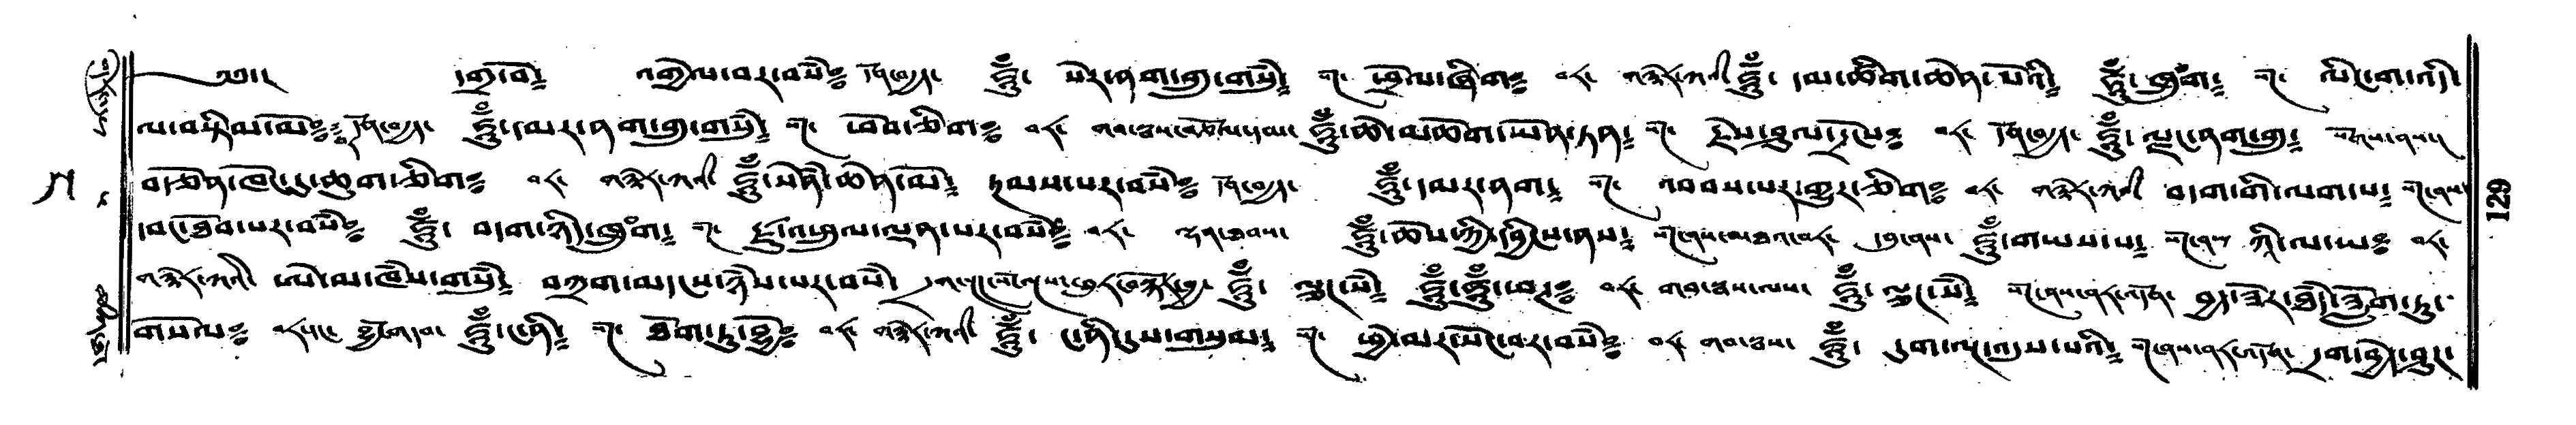དགྲ་བོ༴ འགྱེལ་བར་བསམ། དོན་བརྒྱད། ཧཱུྃ༔ སེར་ནག་གྲུ་གསུམ༴ སོགས། ཕྲོལ་ཅིག༔ བར། གཟེར་ཀའི། ཧཱུྃ༔ དམ་ཚིག་ཆེན་པོའི༴ ཧཱུྃ༔ ཁྲག་འཐུང༴ སོགས། ལིང་ག་འདི་
ལ་བསྟིམ་མོ༔ བར། དོན་བརྒྱད། ཧཱུྃ༔དམར་ནག་གྲུ་གསུམ༴ སོགས། ཕོབ་ཅིག༔ བར། གབ་སྦས་བཅོལ་དམ། ཧཱུྃ༔ ཆེ་མཆོག་ཡོན་ཏན༴ སོགས། རྗེས་ཤུལ་དྲོངས༔ བར། དོན་བརྒྱད། ཧཱུྃ༔ ལྗང་ནག་གྲུ༴ སོགས་ནས། 
བཙོན་ཁང་དུ་ཆུག་ཅིག༔ བར། གཟེར་ཀའི། ཧཱུྃ༔སེམས་ཅན་ཆེན་མོ༴ རྔམ་པར་བསམ། དོན་བརྒྱད། ཧཱུྃ༔ དམར་ནག༴ སོགས། འབབ་པར་གྱུར་ཅིག༔ བར། གཟེར་ཀའི། བདག་གི་ལག་པ༴ སོགས་ནས། 
དབང་ཐོབ་པར་བསམ། ཧཱུྃ༔ བདག་ཉིད་ཁྲག་འཐུང༴ སོགས། རྫུ་འཕྲུལ་ལྡན་པར་བསམ། བར། ལྷན་ཐབས། ཧཱུྃ༔ ཆོས་ཀྱི་དབྱིངས་ནས༴ སོགས་ནས་མཐའ་བར། དབུ་ནས། ཧཱུྃ༔ གཡས་པ༴ སོགས་ནས། ཀཱི་ལ་ཡ༔ བར། 
གཟེར་ཀའི། ཨེ་མ་ཁམས་གསུམ༴ བཀྲག་མདངས་ཉམས་པར་བསམ། དྲག་སྔགས་སོ་ལྔས་ཕུར་སྐོར་བྱ། ཧཱུྃ༔ ལྕགས་སམ༴ ཧཱུྃ་ཧཱུྃ་ཕཊ༔ བར། གབ་སྦས་ལས། ཧཱུྃ༔ ལྕགས་སམ༴ སོགས་ནས་ནར་འདོན། བྱད་ཟོར་ཐམས་ཅད་བཟློག་ཏུ་
གསོལ༔ བར་དང་། བྷྱོ་གདབ། ཧཱུྃ༔ ང་ནི༴ སོགས། ཐོག་ཏུ་བྷྱོ༔ བར། གཟེར་ཀའི། ཧཱུྃ༔ ང་ནི་ས་གསུམ༴ སོགས། ཕྱེ་མར་སོང་བར་བསམ། བར། གབ་སྦས། ཧཱུྃ༔ དུག་ལྔ་འདུས་པའི༴ སོགས་ནས་ནར་འདོན། དྲག་བྱེད་ཤུགས་